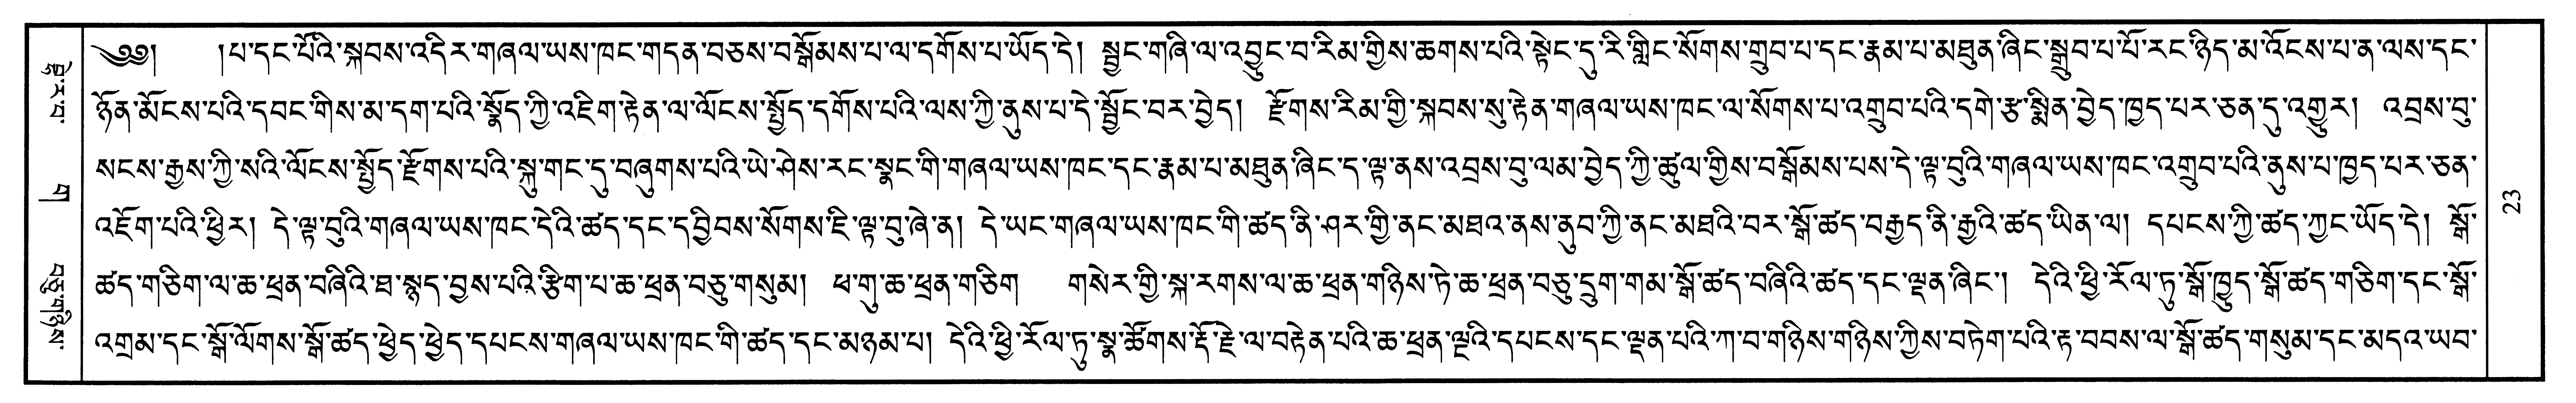༄༅། །པ་དང་པོའི་སྐབས་འདིར་གཞལ་ཡས་ཁང་གདན་བཅས་བསྒོམས་པ་ལ་དགོས་པ་ཡོད་དེ། སྦྱང་གཞི་ལ་འབྱུང་བ་རིམ་གྱིས་ཆགས་པའི་སྟེང་དུ་རི་གླིང་སོགས་གྲུབ་པ་དང་རྣམ་པ་མཐུན་ཞིང་སྒྲུབ་པ་པོ་རང་ཉིད་མ་འོངས་པ་ན་ལས་དང་
ཉོན་མོངས་པའི་དབང་གིས་མ་དག་པའི་སྣོད་ཀྱི་འཇིག་རྟེན་ལ་ལོངས་སྤྱོད་དགོས་པའི་ལས་ཀྱི་ནུས་པ་དེ་སྦྱོང་བར་བྱེད། རྫོགས་རིམ་གྱི་སྐབས་སུ་རྟེན་གཞལ་ཡས་ཁང་ལ་སོགས་པ་འགྲུབ་པའི་དགེ་རྩ་སྨིན་བྱེད་ཁྱད་པར་ཅན་དུ་འགྱུར། འབྲས་བུ་
སངས་རྒྱས་ཀྱི་སའི་ལོངས་སྤྱོད་རྫོགས་པའི་སྐུ་གང་དུ་བཞུགས་པའི་ཡེ་ཤེས་རང་སྣང་གི་གཞལ་ཡས་ཁང་དང་རྣམ་པ་མཐུན་ཞིང་ད་ལྟ་ནས་འབྲས་བུ་ལམ་བྱེད་ཀྱི་ཚུལ་གྱིས་བསྒོམས་པས་དེ་ལྟ་བུའི་གཞལ་ཡས་ཁང་འགྲུབ་པའི་ནུས་པ་ཁྱད་པར་ཅན་
འཇོག་པའི་ཕྱིར། དེ་ལྟ་བུའི་གཞལ་ཡས་ཁང་དེའི་ཚད་དང་དབྱིབས་སོགས་ཇི་ལྟ་བུ་ཞེ་ན། དེ་ཡང་གཞལ་ཡས་ཁང་གི་ཚད་ནི་ཤར་གྱི་ནང་མཐའ་ནས་ནུབ་ཀྱི་ནང་མཐའི་བར་སྒོ་ཚད་བརྒྱད་ནི་རྒྱའི་ཚད་ཡིན་ལ། དཔངས་ཀྱི་ཚད་ཀྱང་ཡོད་དེ། སྒོ་
ཚད་གཅིག་ལ་ཆ་ཕྲན་བཞིའི་ཐ་སྙད་བྱས་པའི་རྩིག་པ་ཆ་ཕྲན་བཅུ་གསུམ། ཕ་གུ་ཆ་ཕྲན་གཅིག་གསེར་གྱི་སྐ་རགས་ལ་ཆ་ཕྲན་གཉིས་ཏེ་ཆ་ཕྲན་བཅུ་དྲུག་གམ་སྒོ་ཚད་བཞིའི་ཚད་དང་ལྡན་ཞིང་། དེའི་ཕྱི་རོལ་ཏུ་སྒོ་ཁྱུད་སྒོ་ཚད་གཅིག་དང་སྒོ་
འགྲམ་དང་སྒོ་ལོགས་སྒོ་ཚད་ཕྱེད་ཕྱེད་དཔངས་གཞལ་ཡས་ཁང་གི་ཚད་དང་མཉམ་པ། དེའི་ཕྱི་རོལ་ཏུ་སྣ་ཚོགས་རྡོ་རྗེ་ལ་བརྟེན་པའི་ཆ་ཕྲན་ལྔའི་དཔངས་དང་ལྡན་པའི་ཀ་བ་གཉིས་གཉིས་ཀྱིས་བཏེག་པའི་རྟ་བབས་ལ་སྒོ་ཚད་གསུམ་དང་མདའ་ཡབ་